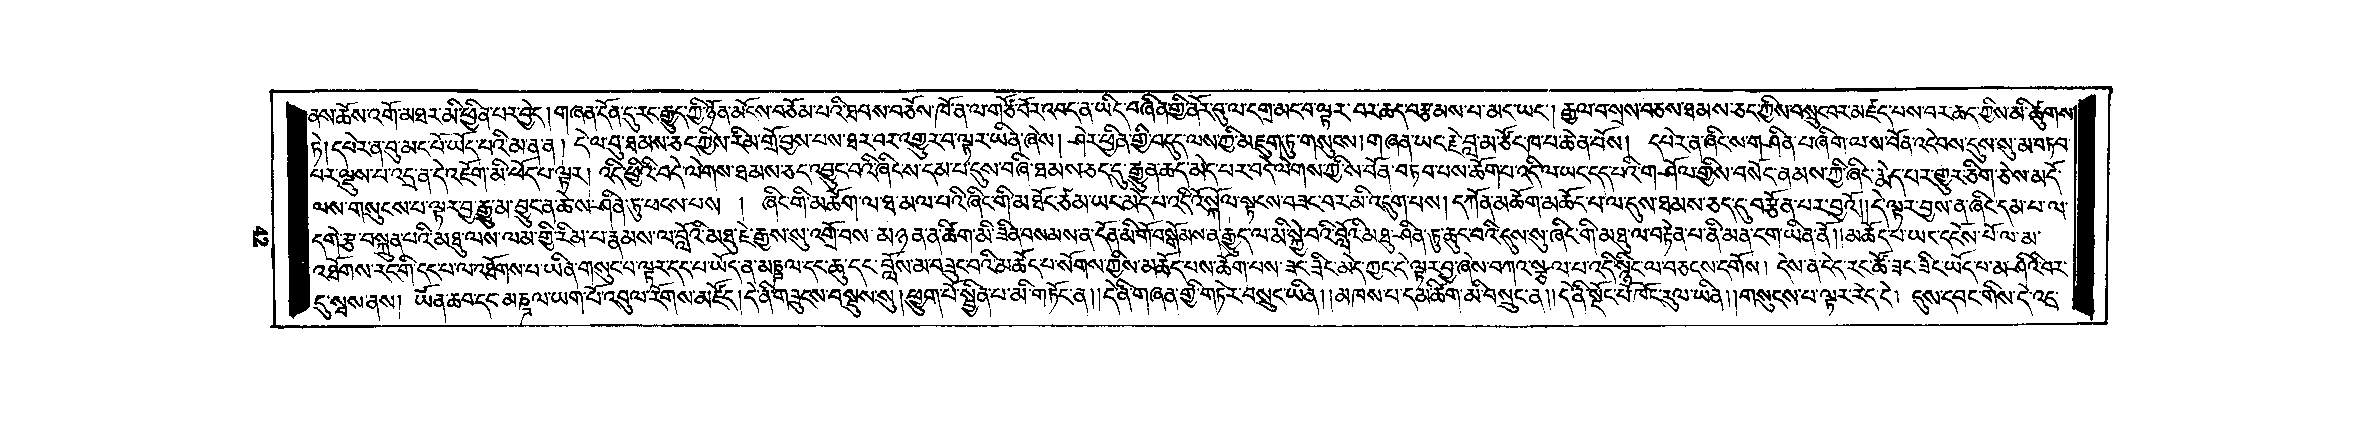ནས་ཆོས་འགོ་མཐར་མི་ཕྱིན་པར་བྱེད། གཞན་དོན་དུ་རང་རྒྱུད་ཀྱི་ཉོན་མོངས་བཅོམ་པའི་ཐབས་བཅོས་ཁོ་ན་ལ་གཙོ་བོར་འབད་ན་ཡིད་བཞིན་གྱི་ནོར་བུ་ལ་དགྲ་མང་བ་ལྟར་བར་ཆད་བརྩམས་པ་མང་ཡང་། རྒྱལ་བ་སྲས་བཅས་ཐམས་ཅད་ཀྱིས་བསྲུང་བར་མཛད་པས་བར་ཆད་ཀྱིས་མི་ཚུགས་
ཏེ། དཔེར་ན་བུ་མང་པོ་ཡོད་པའི་མ་ན་ན། དེ་ལ་བུ་ཐམས་ཅད་ཀྱིས་རིམ་གྲོ་བྱས་པས་ཐར་བར་འགྱུར་བ་ལྟར་ཡིན་ཞེས། ཤེར་ཕྱིན་གྱི་བདུད་ལས་ཀྱི་མཇུག་ཏུ་གསུངས། གཞན་ཡང་རྗེ་བླ་མ་ཙོང་ཁ་པ་ཆེན་པོས། དཔེར་ན་ཞིང་ས་གཤིན་པ་ཞིག་ལ་ས་བོན་འདེབས་དུས་སུ་མ་བཏབ་
པར་ལྡུས་པ་འདྲ་ན་དེ་འཇོག་མི་ཕོད་པ་ལྟར། འདི་ཕྱིའི་བདེ་ལེགས་ཐམས་ཅད་འབྱུང་བའི་ཞིང་ས་དམ་པ་དུས་བཞི་ཐམས་ཅད་དུ་རྒྱུན་ཆད་མེད་པར་བདེ་ལེགས་ཀྱི་ས་བོན་བཏབ་པས་ཆོག་པ་འདི་ལ་ཡང་དད་པའི་གཤོལ་གྱིས་བསོད་ནམས་ཀྱི་ཞིང་རྨེད་པར་གྱུར་ཅིག་ཅེས་མདོ་
ལས་གསུངས་པ་ལྟར་བྱ་རྒྱུ་མ་བྱུང་ན་ཆེ་ས་ཤིན་ཏུ་ཕངས་པས། ཞིང་གི་མཆོག་ལ་ཐ་མལ་པའི་ཞིང་གི་མཐོང་ཙམ་ཡང་མེད་པ་འདི་འོ་སྐོལ་སྟངས་བཟང་བར་མི་འདུག་པས། དཀོན་མཆོག་མཆོད་པ་ལ་དུས་ཐམས་ཅད་དུ་བརྩོན་པར་བྱའོ། །དེ་ལྟར་བྱས་ན་ཞིང་དམ་པ་ལ་
དགེ་རྩ་བསྐྲུན་པའི་མཐུ་ལས་ལམ་གྱི་རིམ་པ་རྣམས་ལ་བློའི་མཐུ་ཇེ་རྒྱས་སུ་འགྲོ་བས་མཉན་ན་ཚིག་མི་ཟིན་བསམས་ན་དོན་མི་གོ་བསྒོམས་ན་རྒྱུད་ལ་མི་སྐྱེ་བའི་བློའི་མཐུ་ཤིན་ཏུ་ཆུང་བའི་དུས་སུ་ཞིང་གི་མཐུ་ལ་བརྟེན་པ་ནི་མན་ངག་ཡིན་ནོ། །མཆོད་པ་ཡང་དངོས་པོ་ལ་མ་
འཐོགས་རང་གི་དད་པ་ལ་འཐོགས་པ་ཡིན་གསུང་པ་ལྟར་དང་པ་ཡོད་ན་མཎྜལ་དང་ཆུ་དང་བློས་མ་བཟུང་བའི་མཆོད་པ་སོགས་ཀྱིས་མཆོད་པས་ཆོག་པས་ཟང་ཟིང་མེད་ཀྱང་དེ་ལྟར་བྱ་ཞེས་བཀའ་སྩལ་པ་འདི་སྙིང་ལ་བཅངས་དགོས། དེས་ན་ངེད་རང་ཚོ་ཟང་ཟིང་ཡོད་པ་མ་ཤིའི་བར་
དུ་སྦས་ནས། ཡོན་ཆབ་དང་མཎྜལ་ཡག་པོ་འབུལ་རོགས་མཛོད། དེ་ནི་གཟུངས་བསྡུས་སུ། ཕྱུག་པོ་སྦྱིན་པ་མི་གཏོང་ན། །དེ་ནི་གཞན་གྱི་གཏེར་བསྲུང་ཡིན། །མཁས་པ་དམ་ཚིག་མི་བསྲུང་ན། །དེ་ནི་སྡོང་པོ་ཁོང་རུལ་ཡིན། །གསུངས་པ་ལྟར་རེད་དེ། དུས་དབང་གིས་དེ་འདྲ་